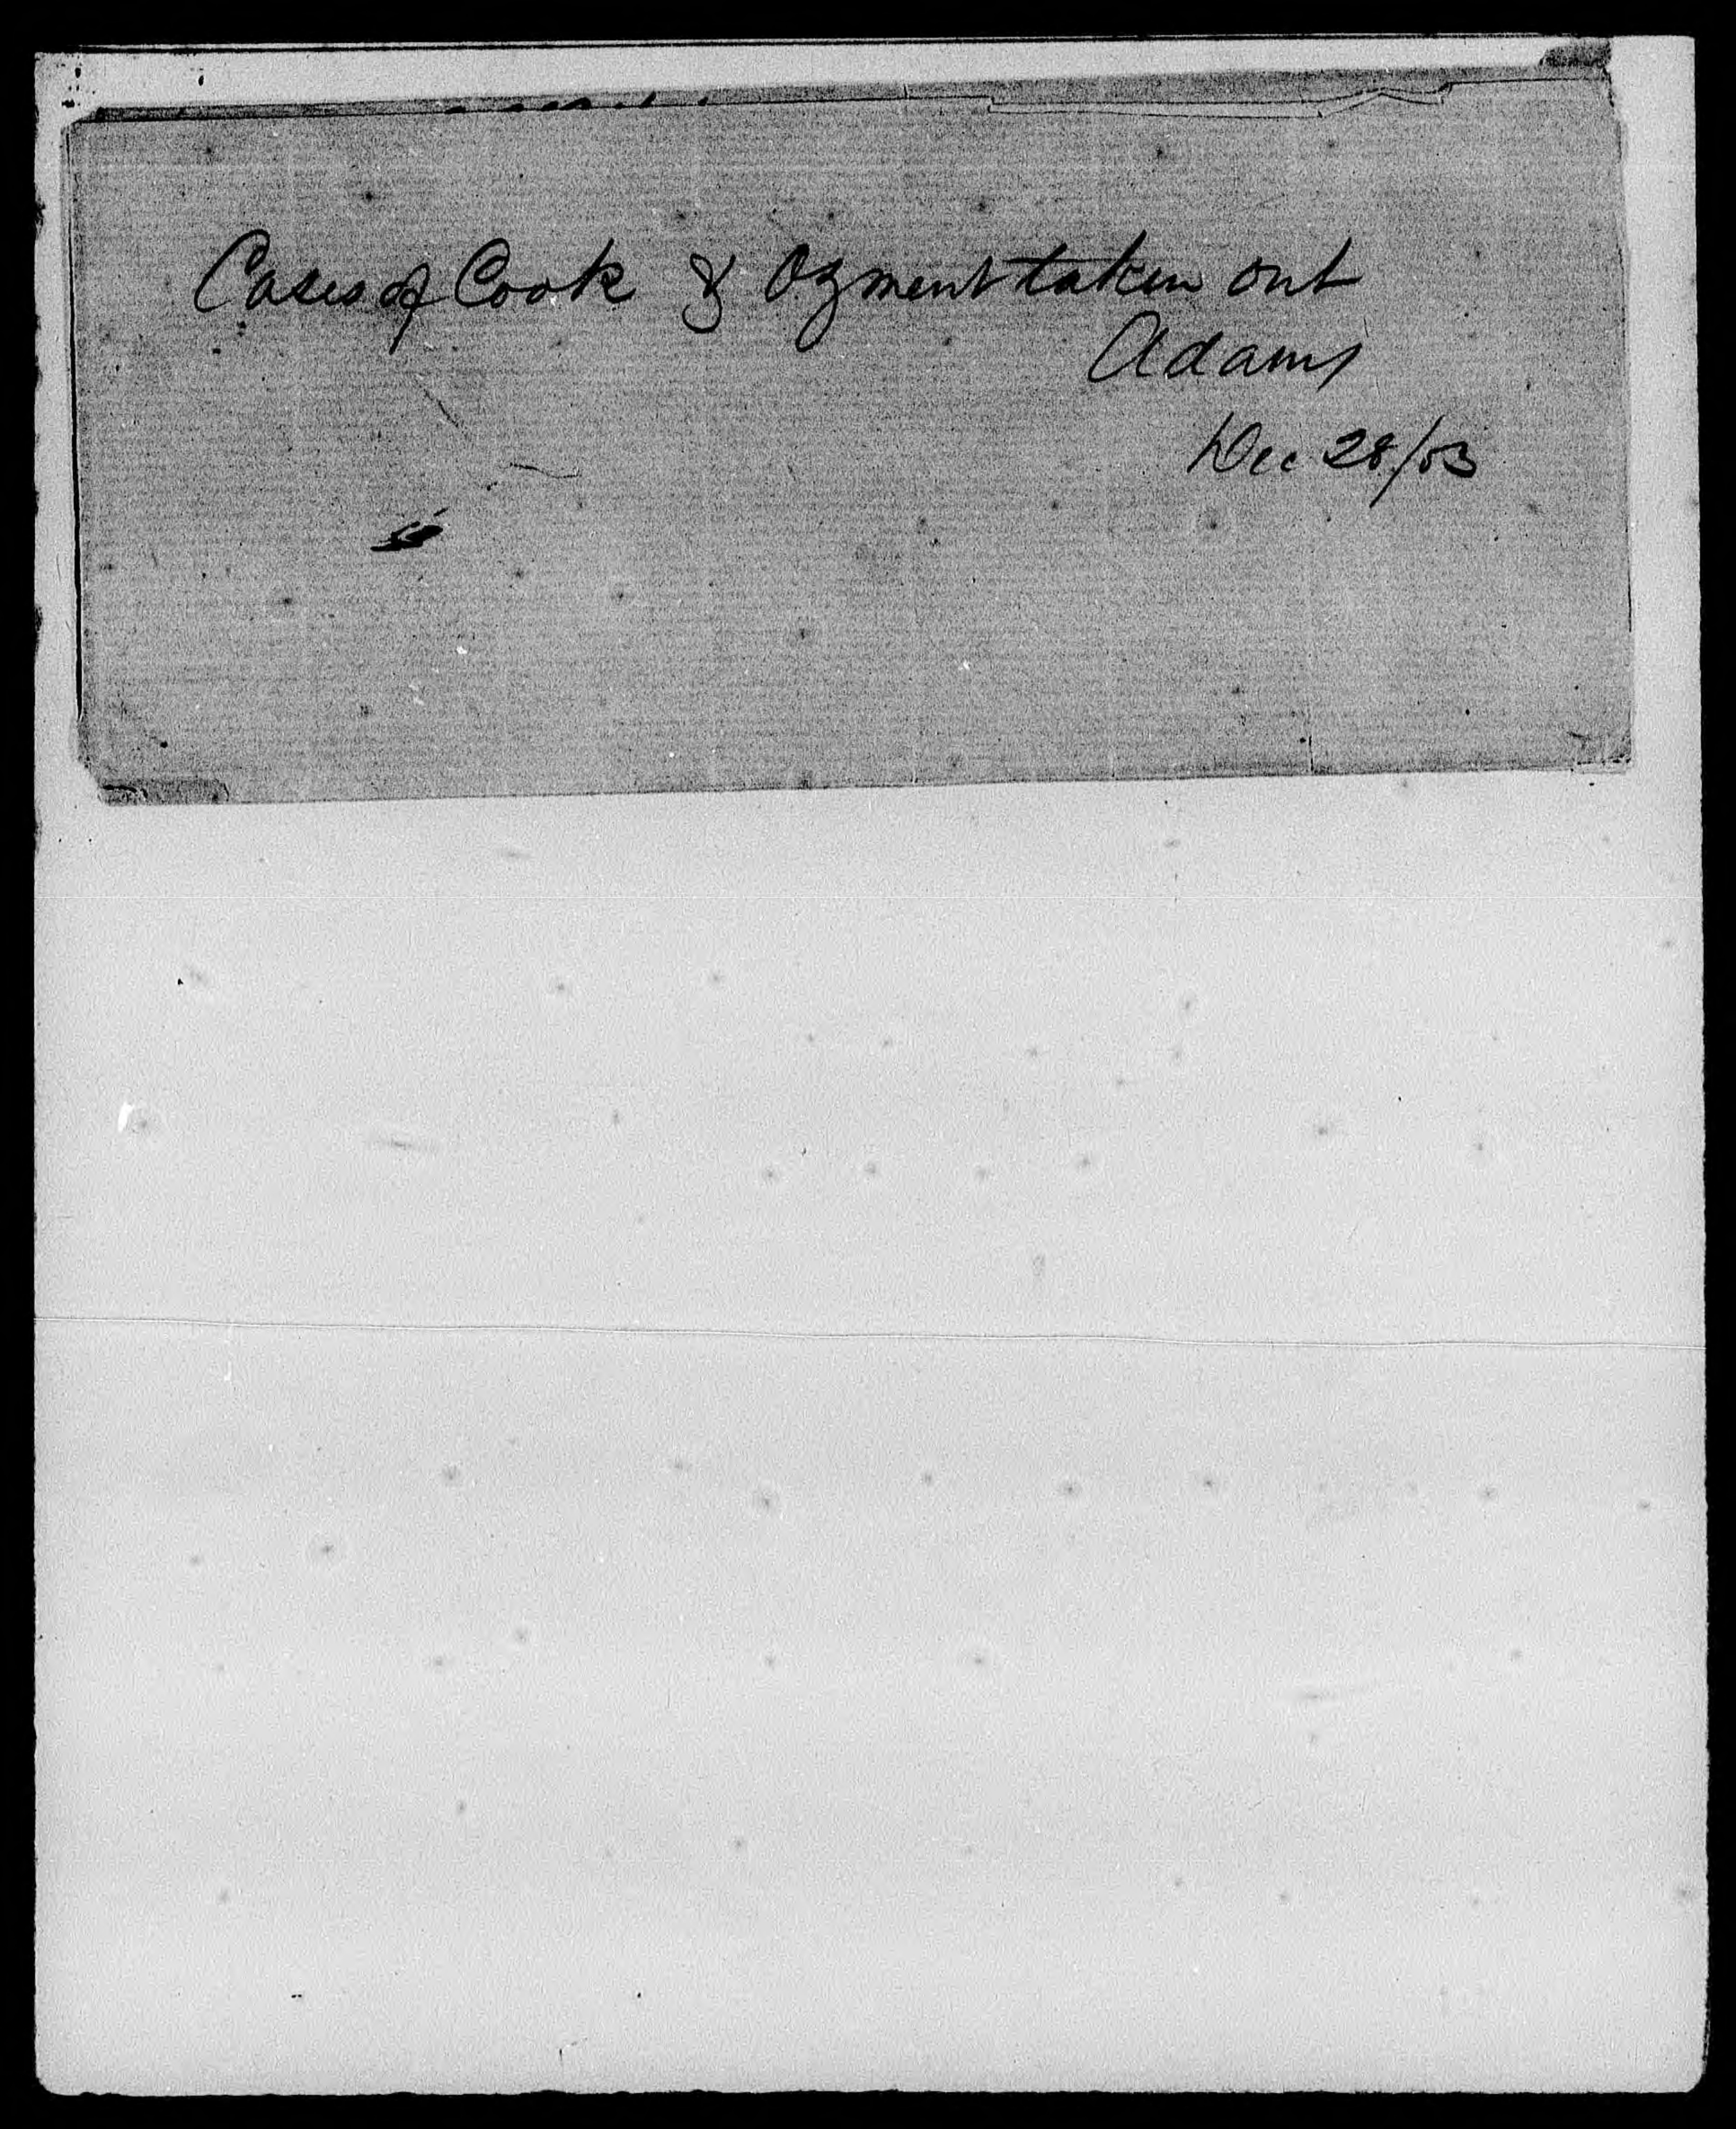Cases of Cook & Ozment taken out 
Adams
Dec 28/53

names: Cook, Ozment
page: 8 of 17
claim: rejected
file: R. 3423, William Fairbanks, R.I.